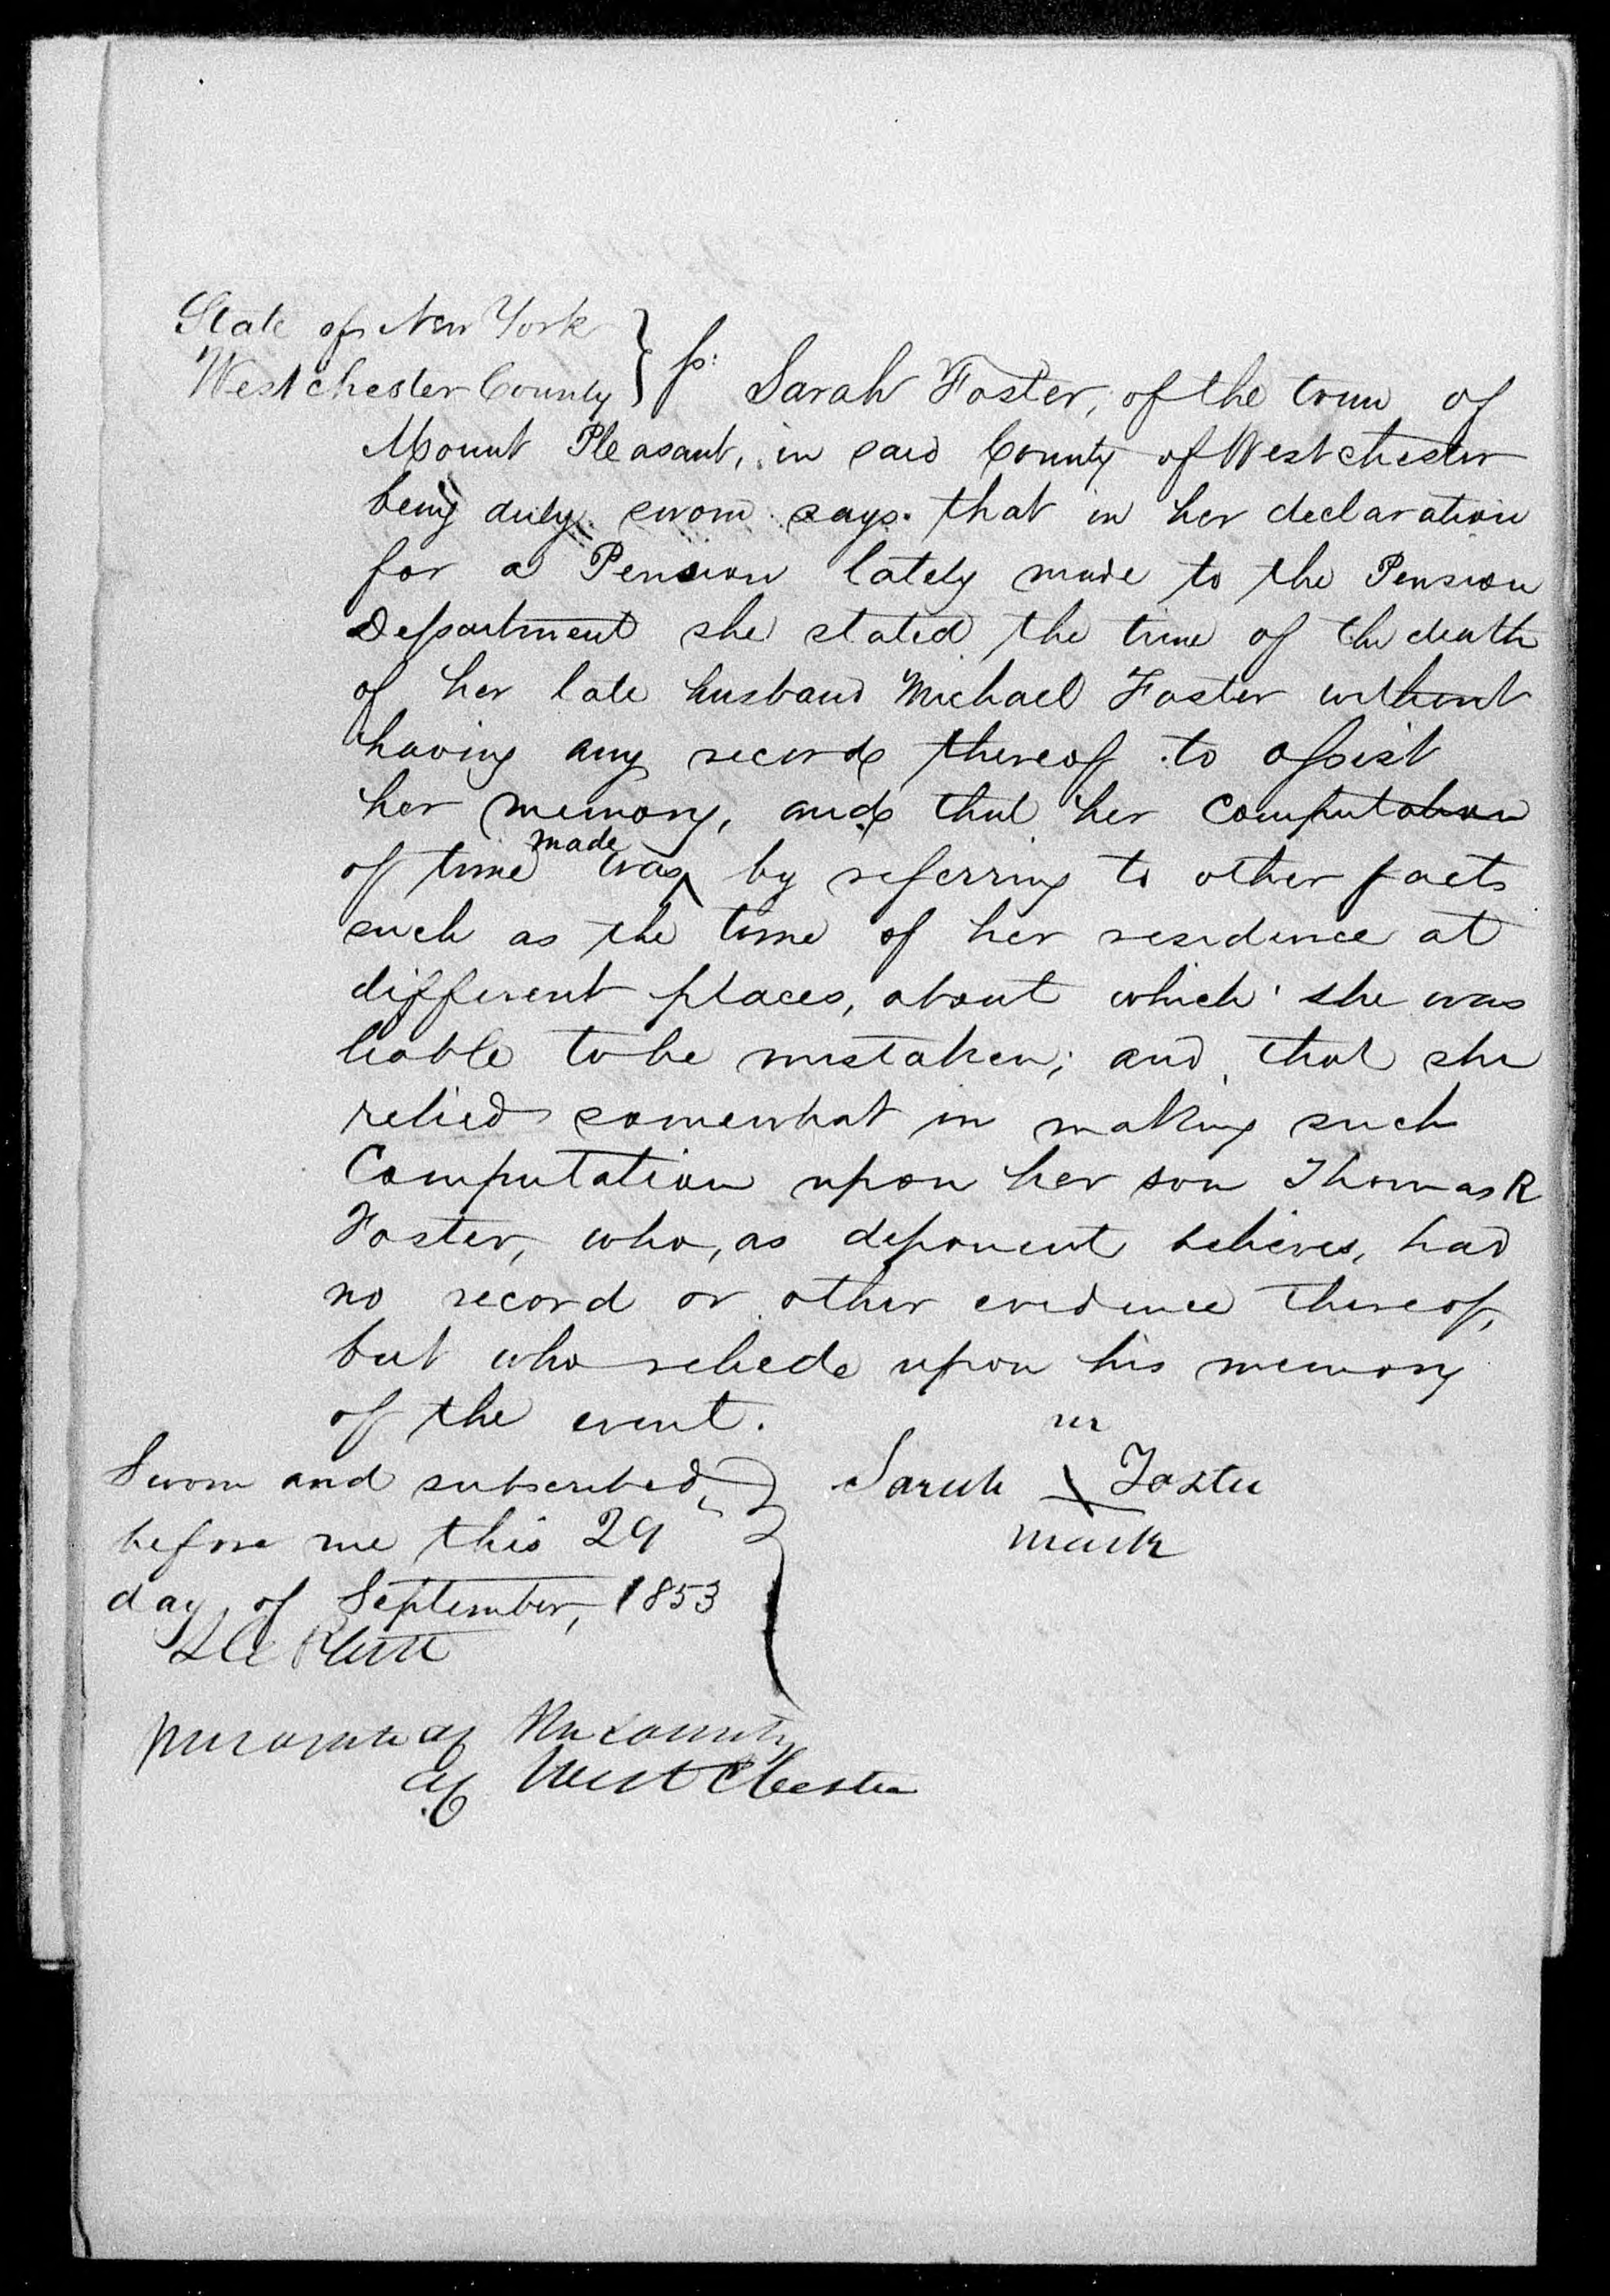State of New York
Westchester County} SS
Sarah Foster, of the town of Mount Pleasant, in said County of Westchester being duly sworn says that in her declaration for a Pension lately made to the Pension Department she stated the time of the death of her late husband Michael Foster without having any record thereof to assist her memory, and that her computations of time was made by referring to other facts such as the time of her residence at different places, about which she was liable to be mistaken; and that she relied somewhat in making such computations upon her son Thomas R. Foster, who, as deponent believes, had no record or other evidence thereof but who relied upon his memory of the event.
Sarah Foster
her X mark

Sworn and subscribed before me this 29 day of September, 1853
L. C. Platt
Surrogate of the county of Westchester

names: Sarah Foster, Sarah Foster, L C Platt, Michael Foster, Thomas R Foster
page: 56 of 57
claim: widow's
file: W. 5275 1/2, Michael Foster, Penn.